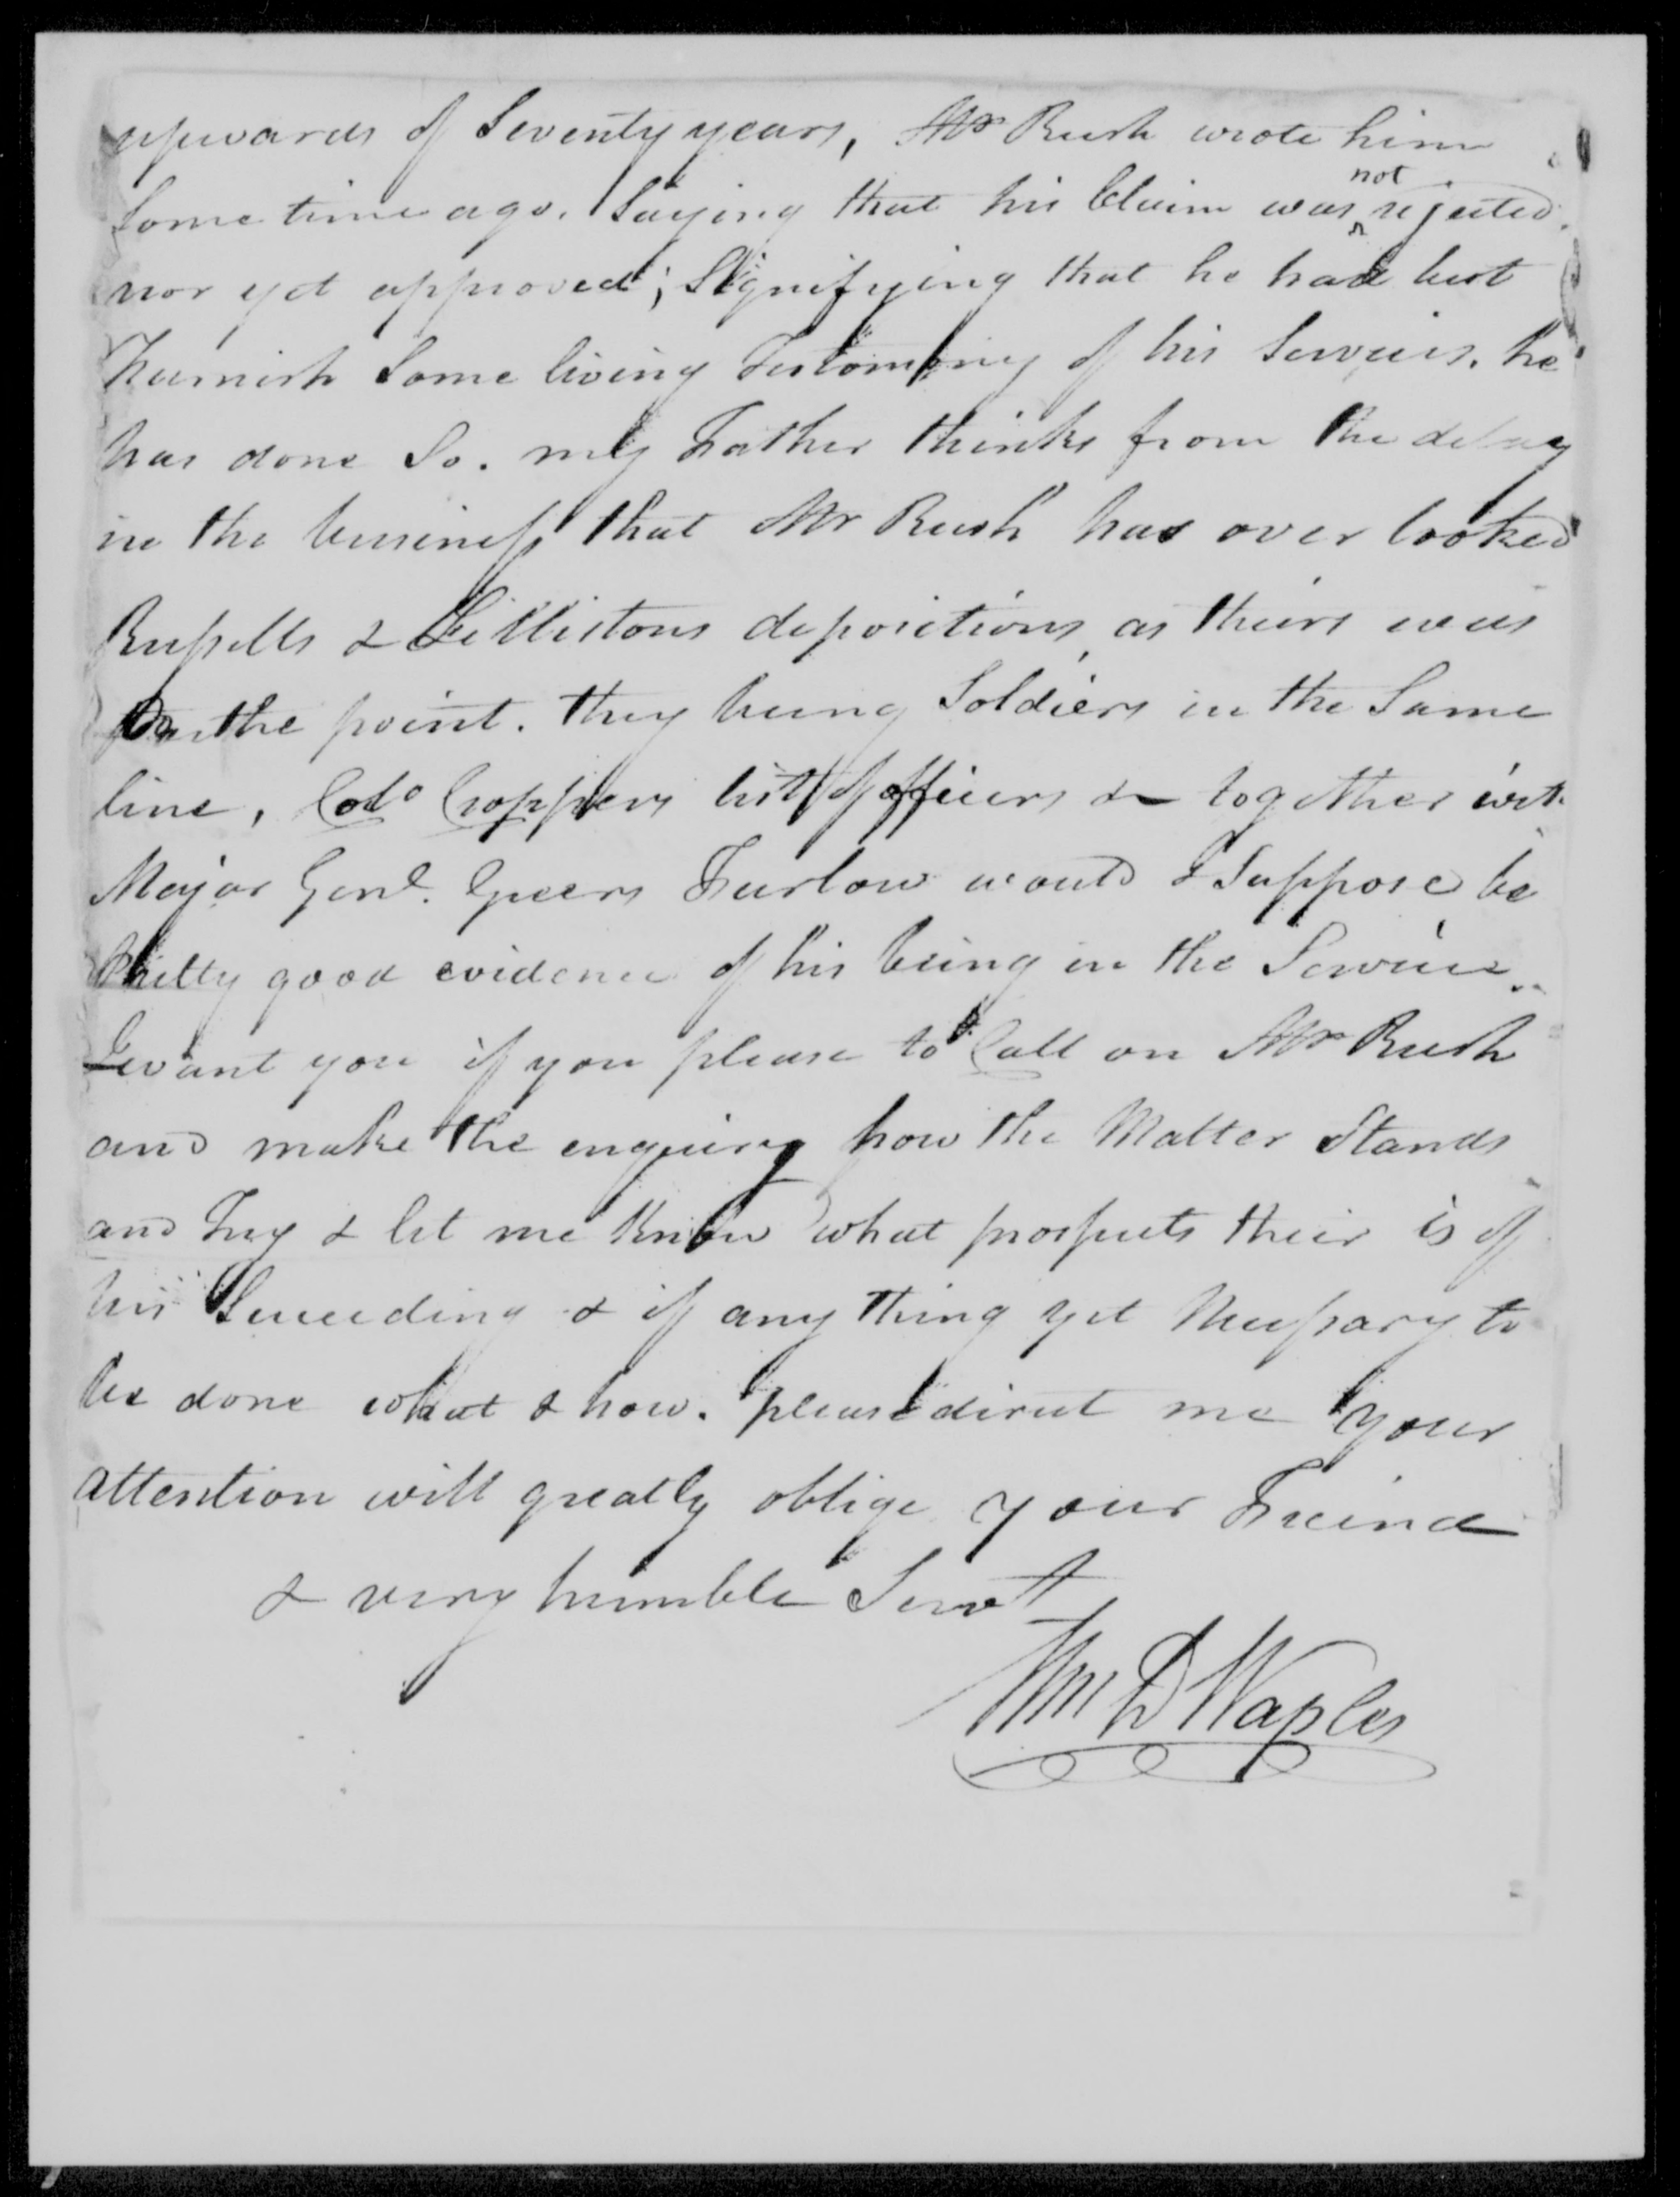upwards of Seventy years, Mr Rush wrote him Some time ago, saying that his claim was not rejected nor yet approved; signifying that he had but to Furnish some living Testimony of his service, he has done So. my Father thinks from the delay in the business that Mr Rush has overlooked Russells & Lillistons depositions as their was on the point, they being Soldiers in the Same line, Colo Croppers list of officers & together with Major Genl Greens Furlow would I Suppose be Pretty good evidence of his being in the Service.
I want you if you please to call on Mr Rush and make the enquiry how the Matter Stands and Try & let me know what prospects their is of his Succeeding & if any thing yet Neccesary to be done what & how, please direct me your attention will greatly oblige your friend & very humble Servt -
D Waples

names: Russell, Bush, Bush, Cropper, Wm D Waples, Green, Furlow, Lilliston, Bush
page: 22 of 59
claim: widow's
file: W. 6427, Samuel Waples, Va.